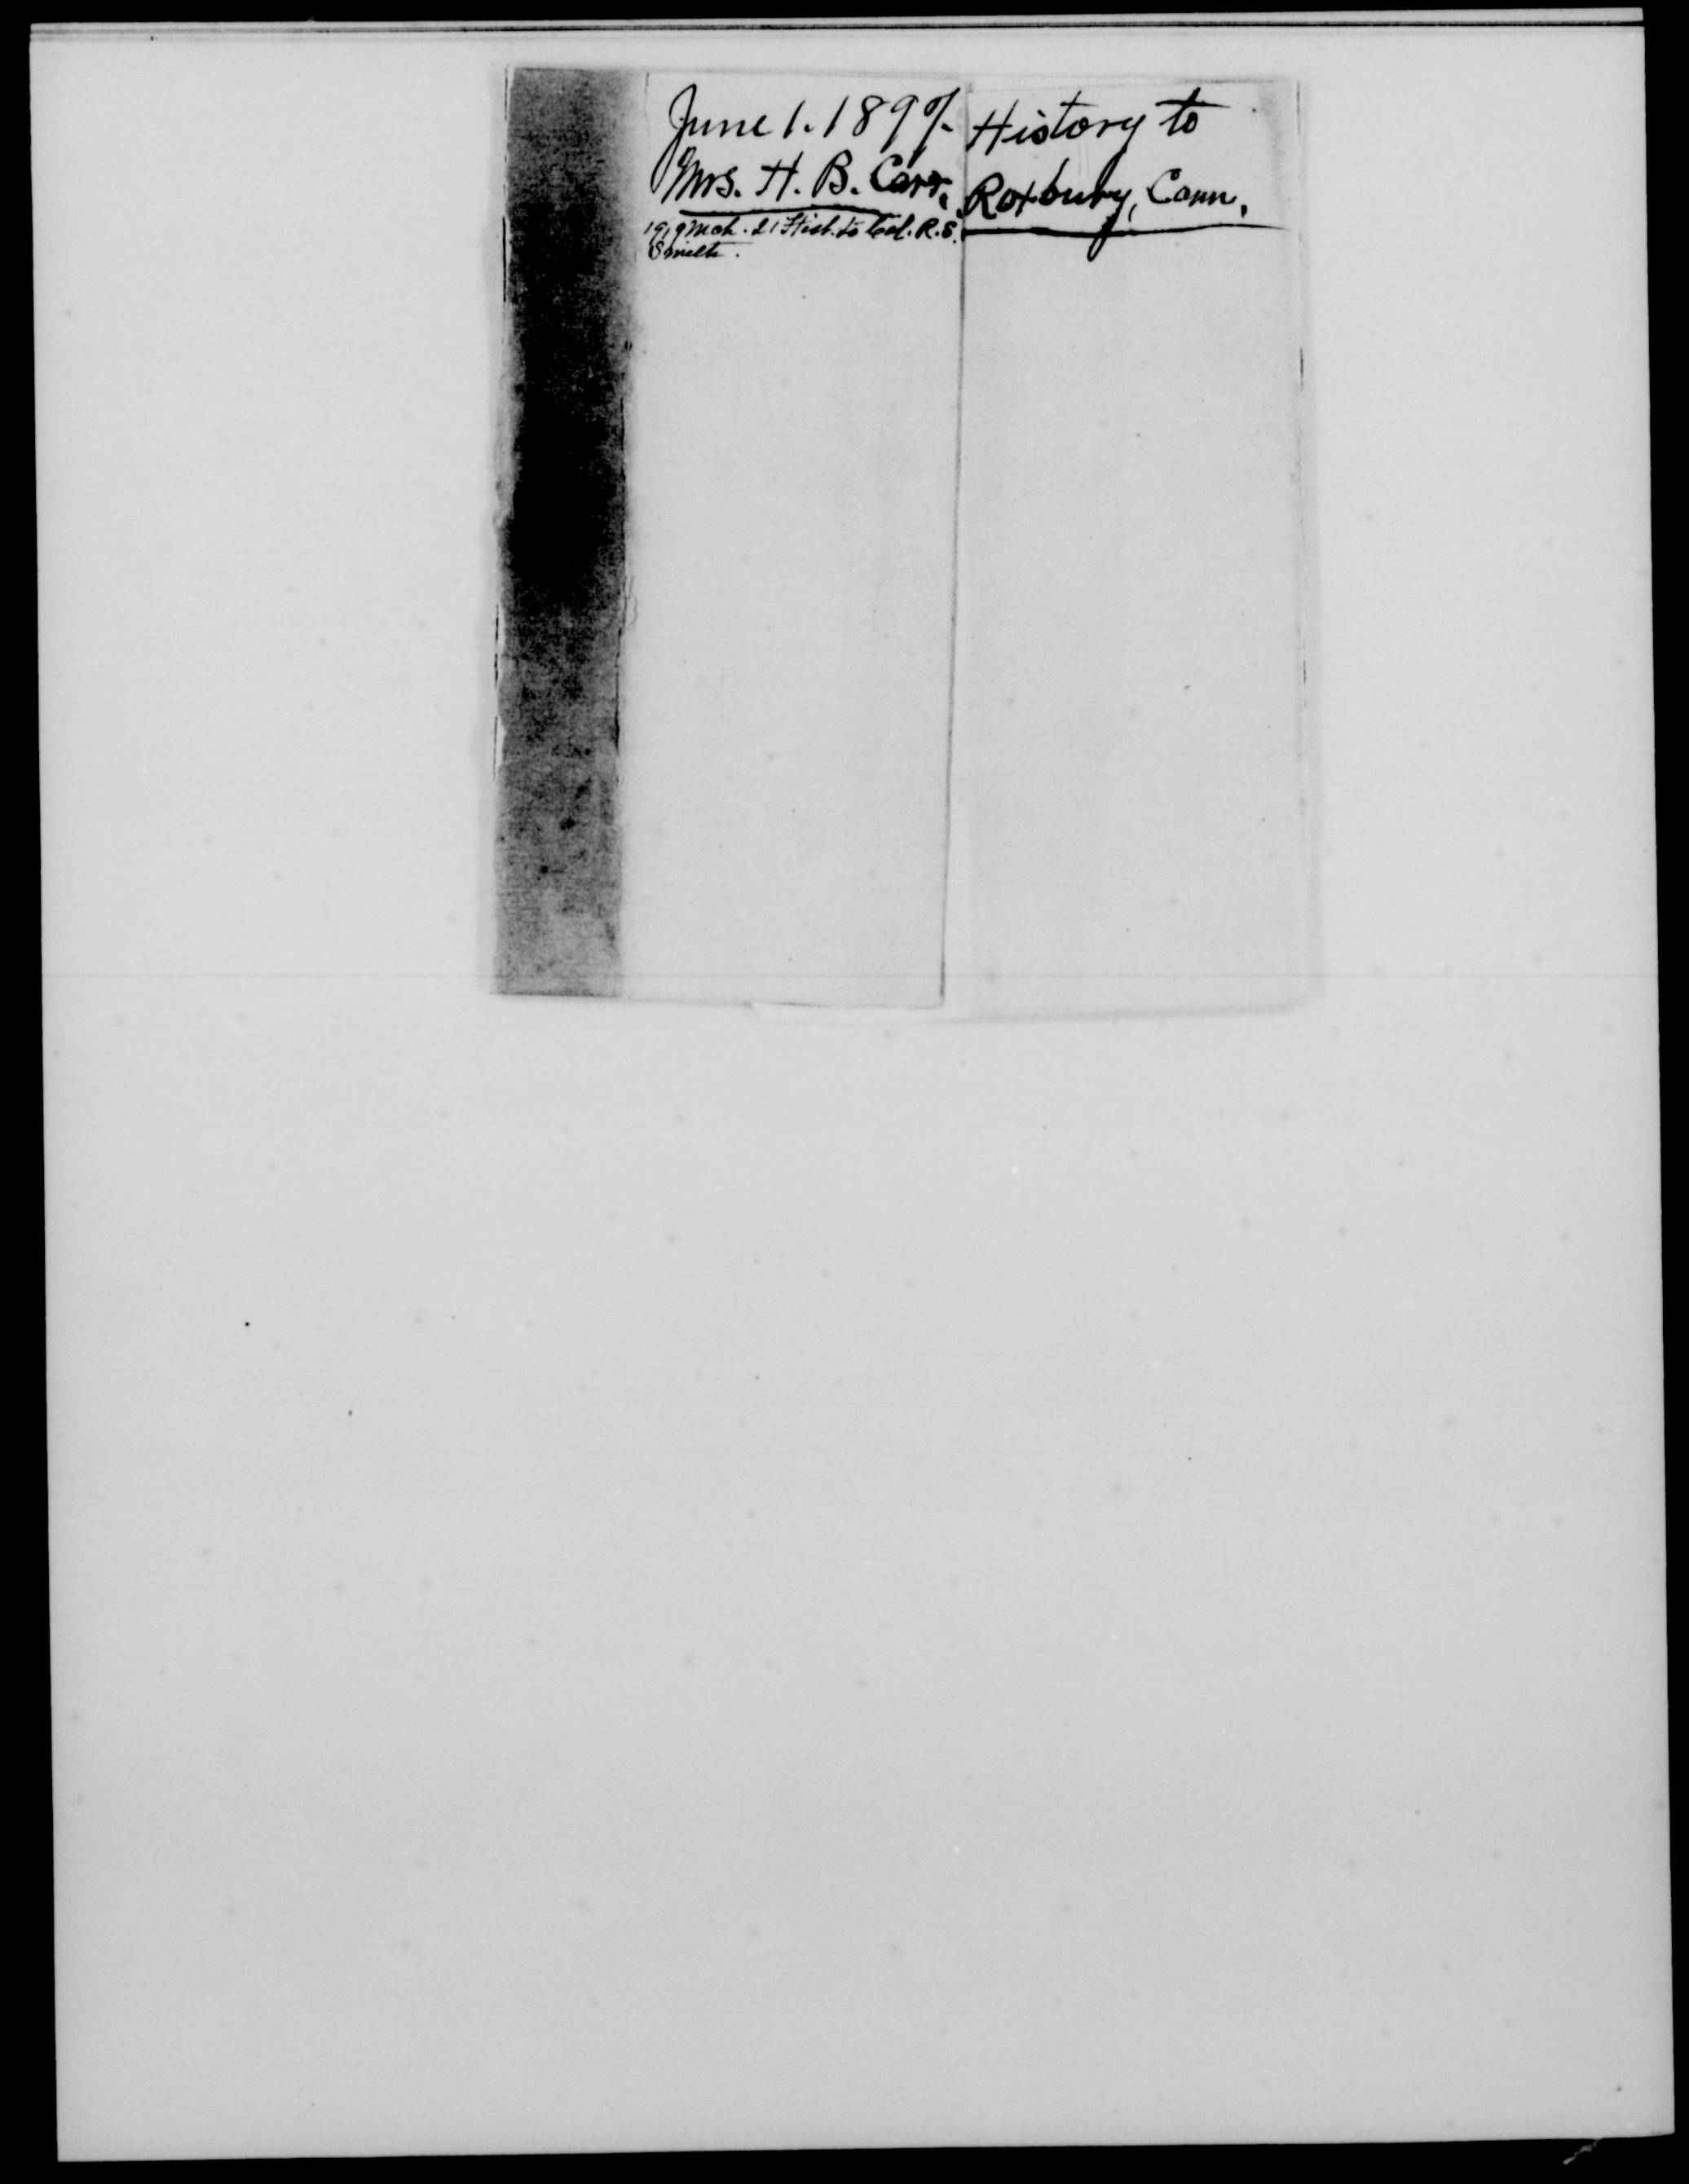June 1. 1892 History to Mrs. H. B. Carr Roxbury, Conn.
1919 Mch 21 Hist to Col. R. S. Smith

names: R S Smith; H B Carr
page: 23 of 55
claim: widow's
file: W. 11480, for Phinehas Smith, Connecticut